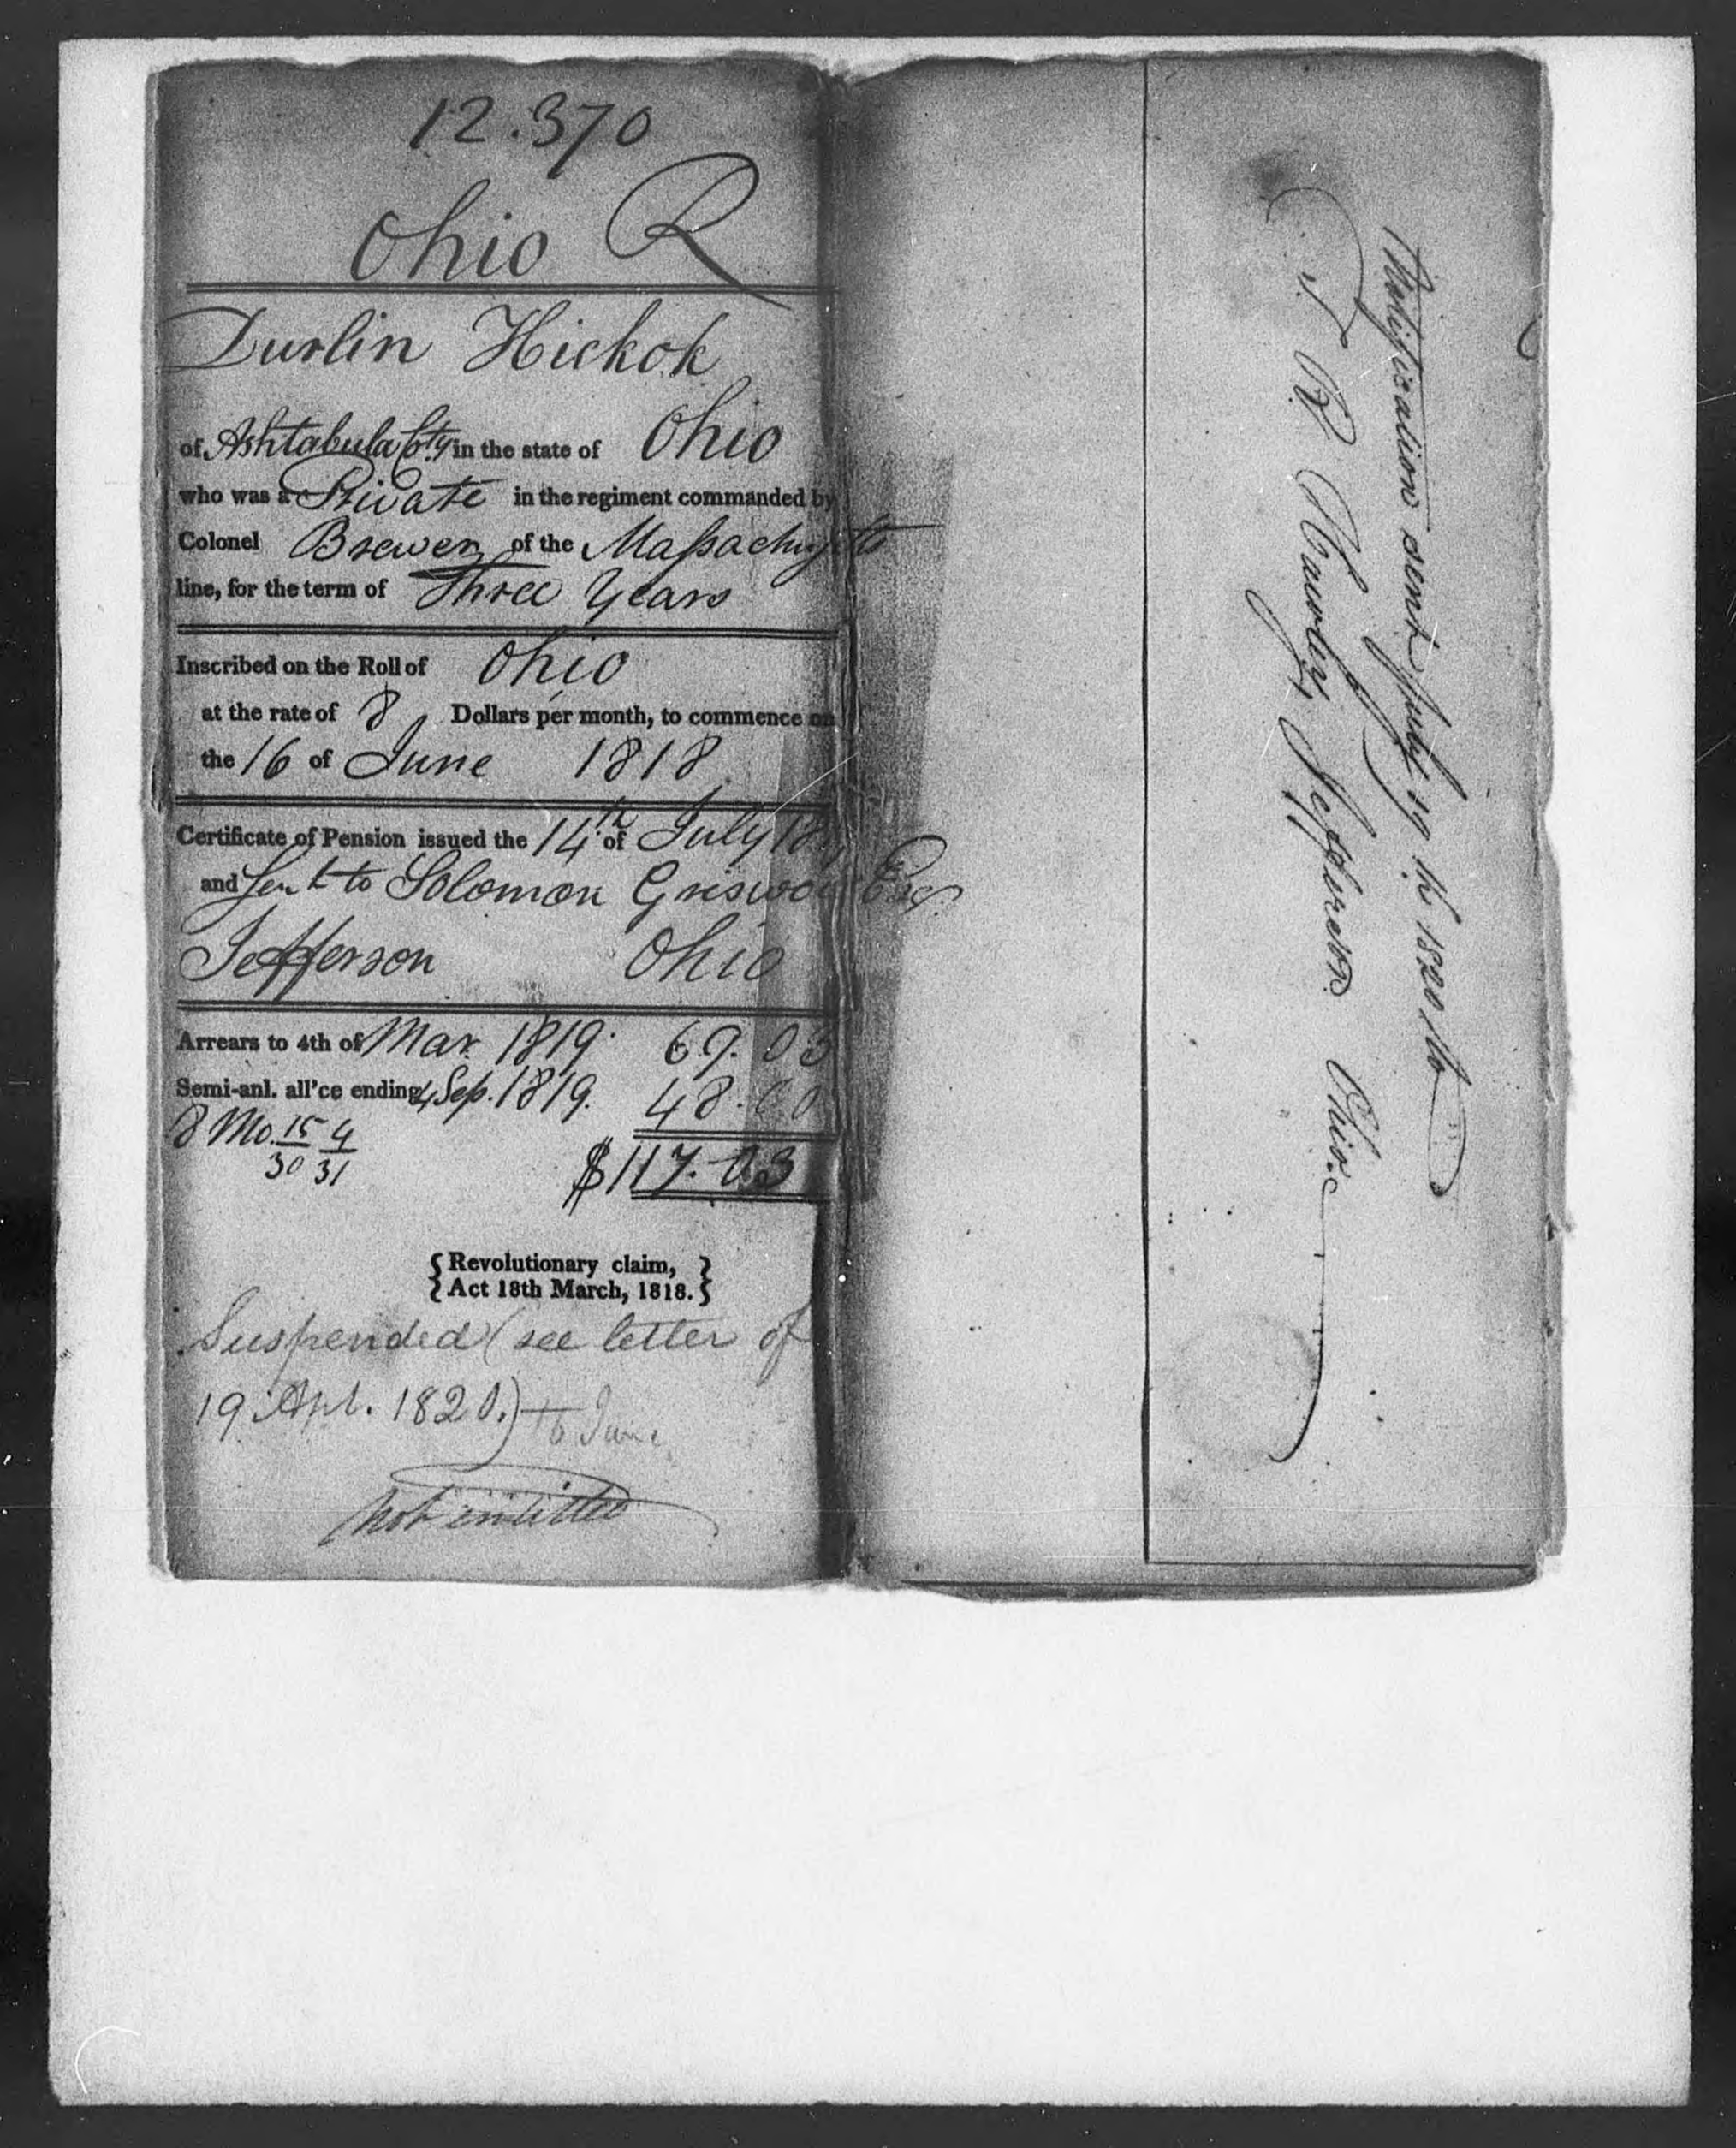12.370
Ohio R
-
Durlin Hickok
of Ashtabula Cty. in the state of Ohio
who was a Private in the regiment commanded by Colonel Brewer of the Massachusetts
line, for the term of three years
Inscribed on the Roll of Ohio
at the rate of 8 Dollars per month, to commence on the 16 of June 1818
Certificate of Pension issued the 14th of July 18[??]
and sent to Solomon Griswold Esq.
Jefferson Ohio
Arrears to 4th of Mar. 1819 69.03
Semi-anl. all'ce ending Sep. 1819 48.00
8 Mo. 15/30 4/31 $117.03
Revolutionary claim,
Act 18th March, 1818.
Suspended (see letter of 19 Apl. 1820)

Notifications sent July 19th 1820 to
T.R. Harley, Jefferson Ohio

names: T R Hawley, Durlin Hickok, Brewer, Solomon Griswold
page: 22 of 45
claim: widow's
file: W. 4988, Durlin Hickok, Mass.